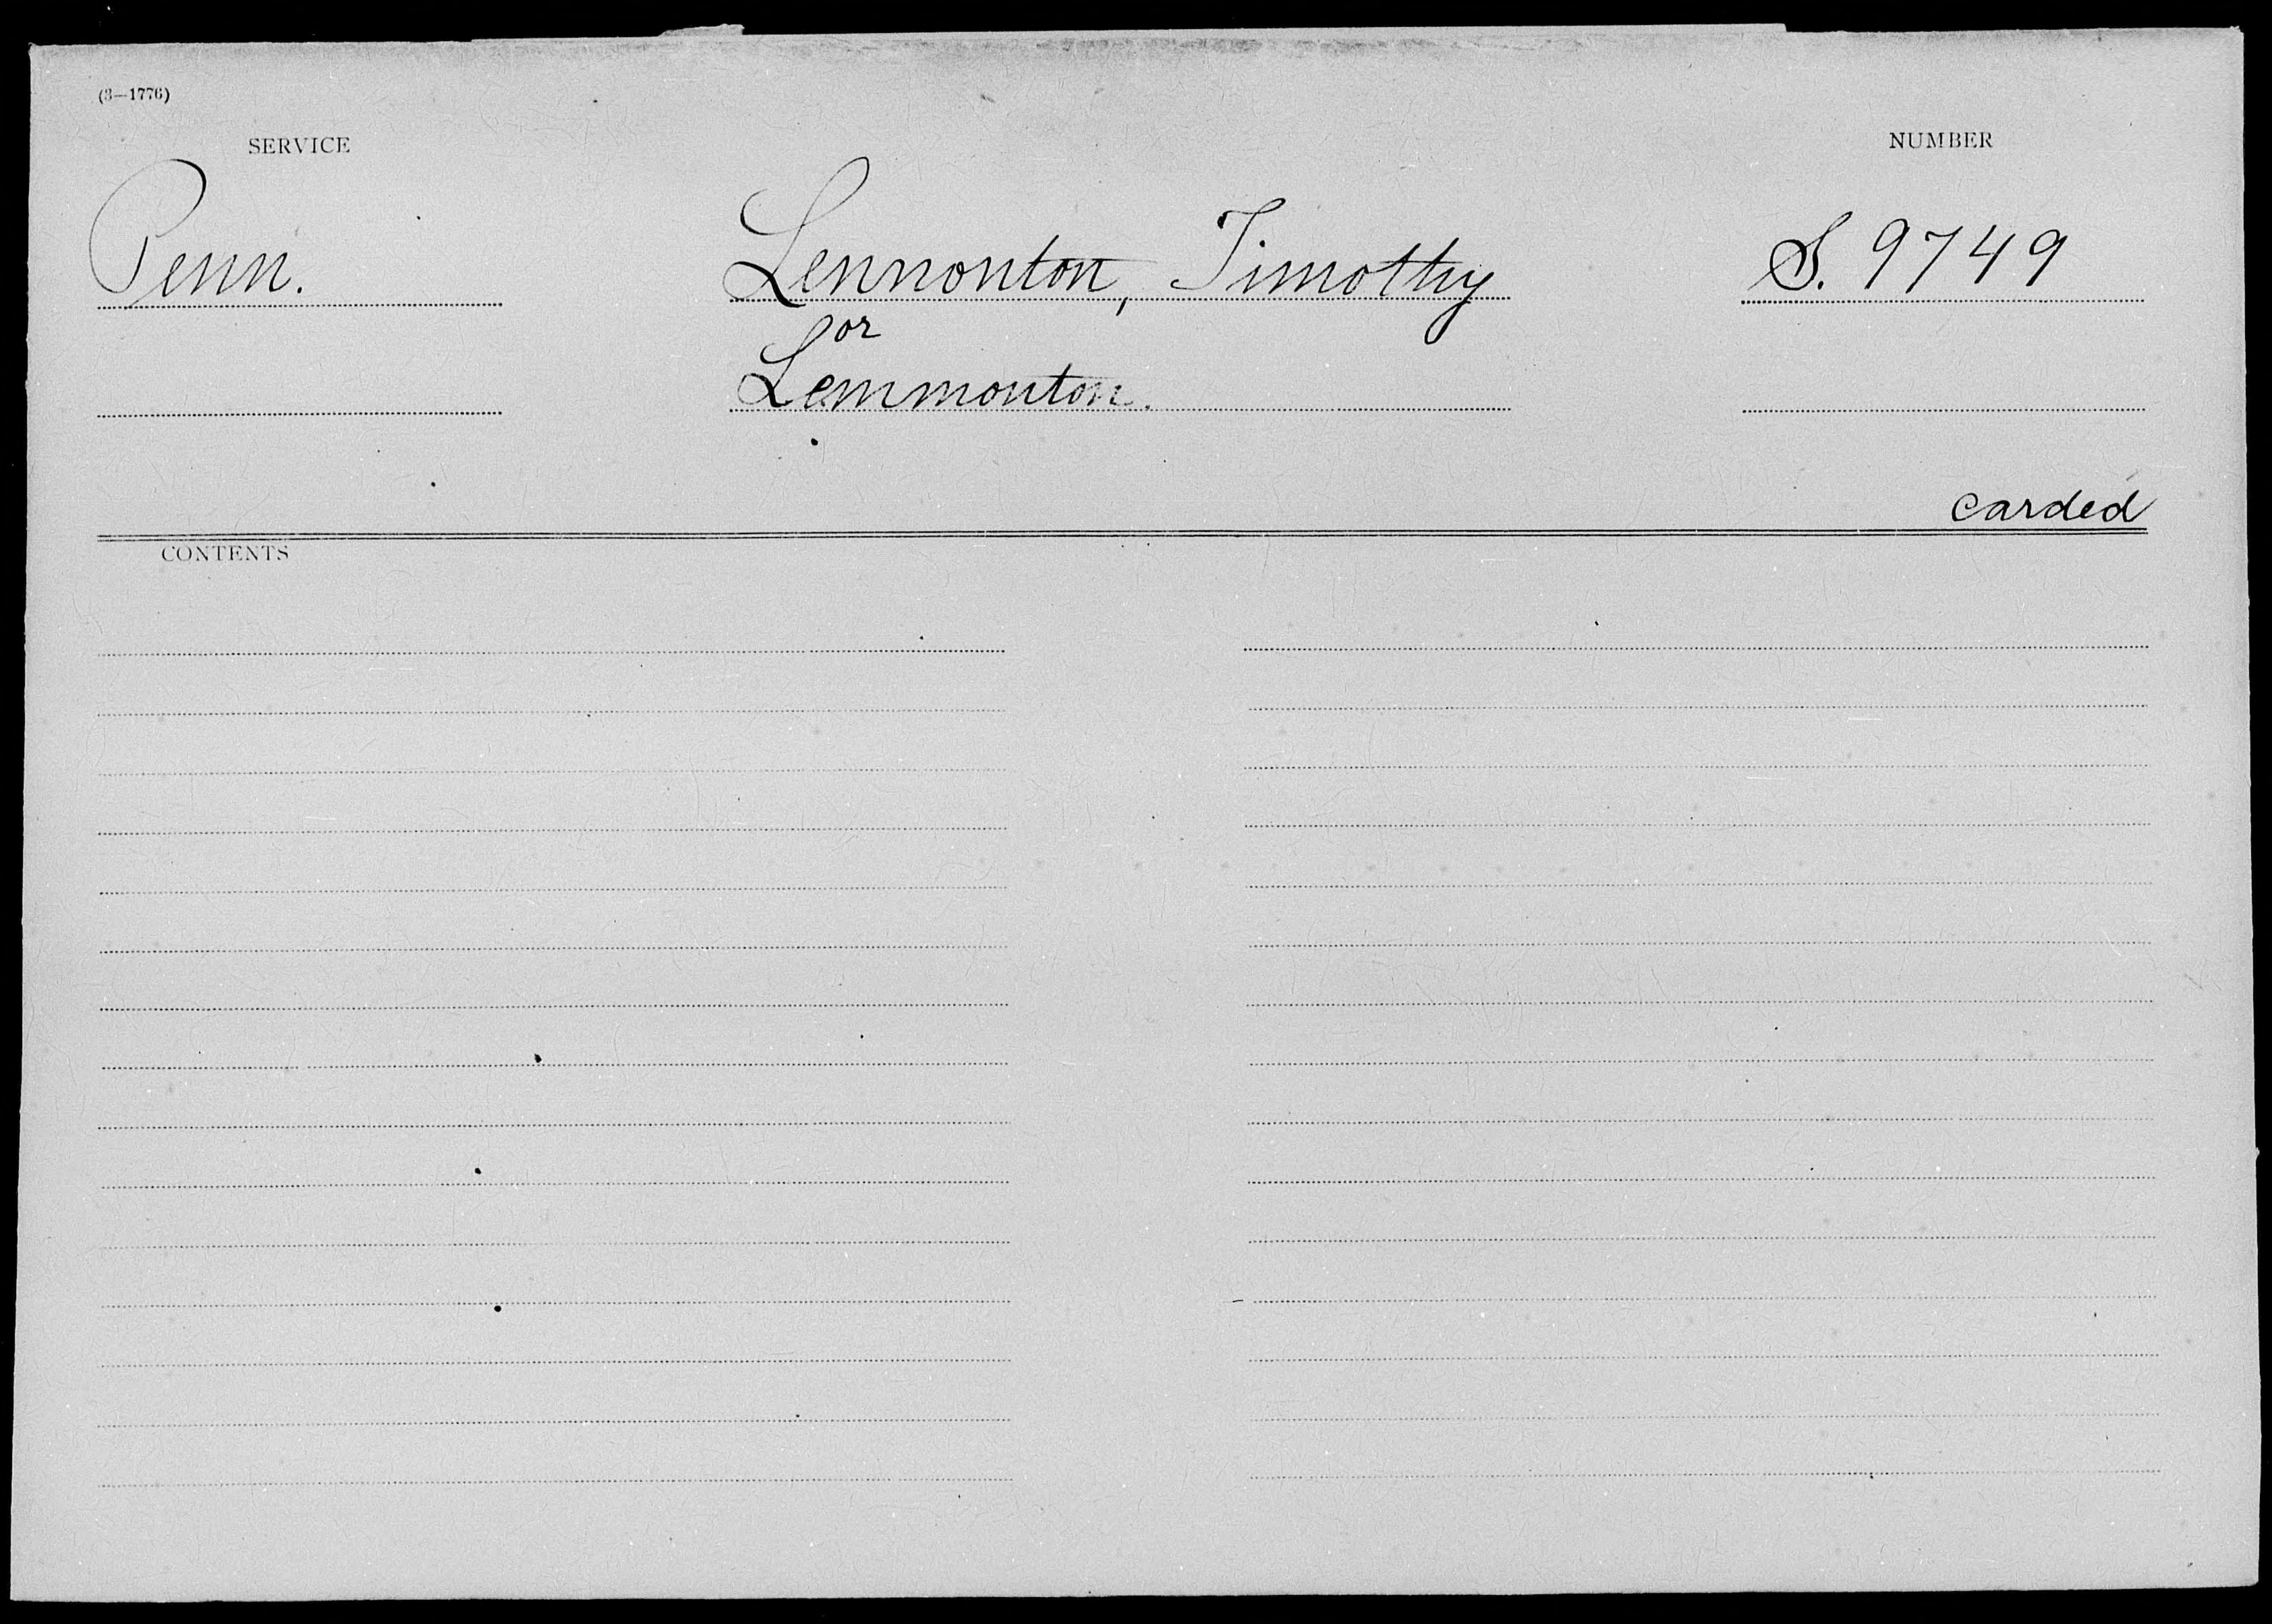Penn.
Lennonton or Lemmonton, Timothy

S. 9749

carded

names: Timothy Lemmonton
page: 1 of 14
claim: survivor's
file: S. 9749, for Timothy Lennonton, Pennsylvania